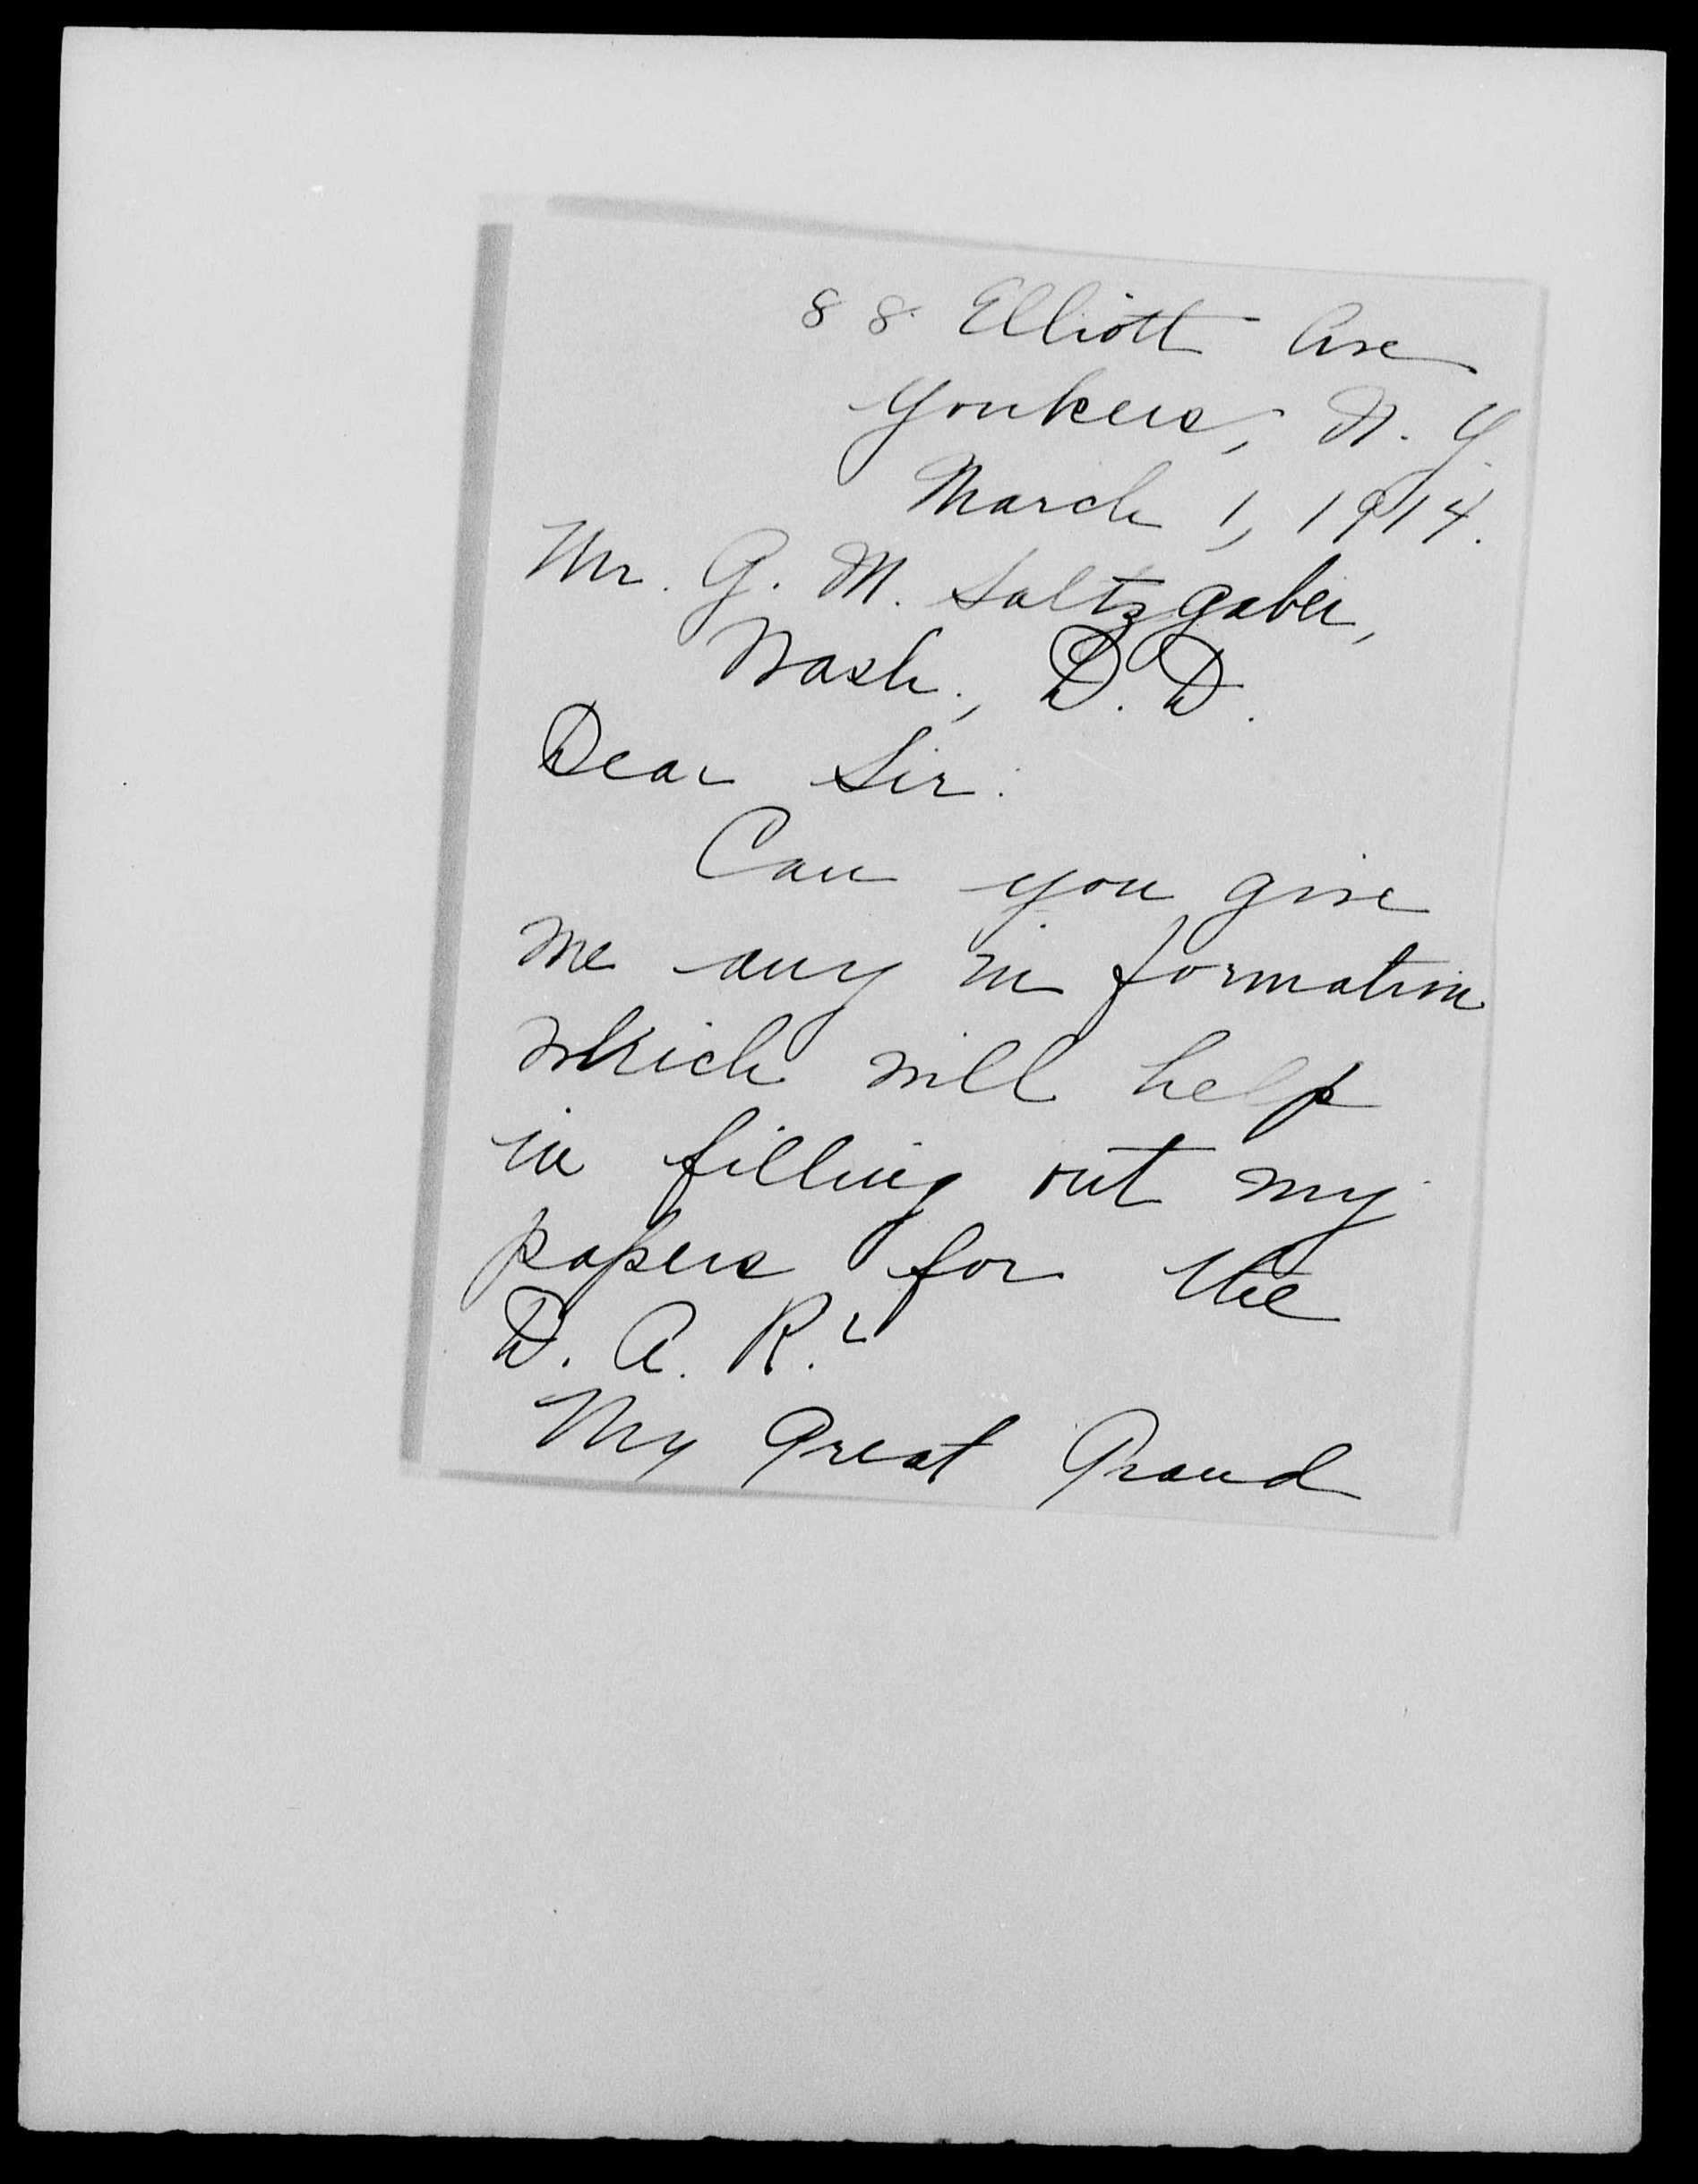[handwritten]
88 Elliott Ave
Yonkers, N.Y.
March 1, 1914

Mr. G. M. Saltzgaber,
Wash., D. D.
Dear Sir:
Can you give me any information which will help in filling out my papers for the D.A.R.?
My Great Grand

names: G M Saltzgaber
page: 26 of 51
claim: widow's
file: W. 23816, Oliver Clark, Conn.